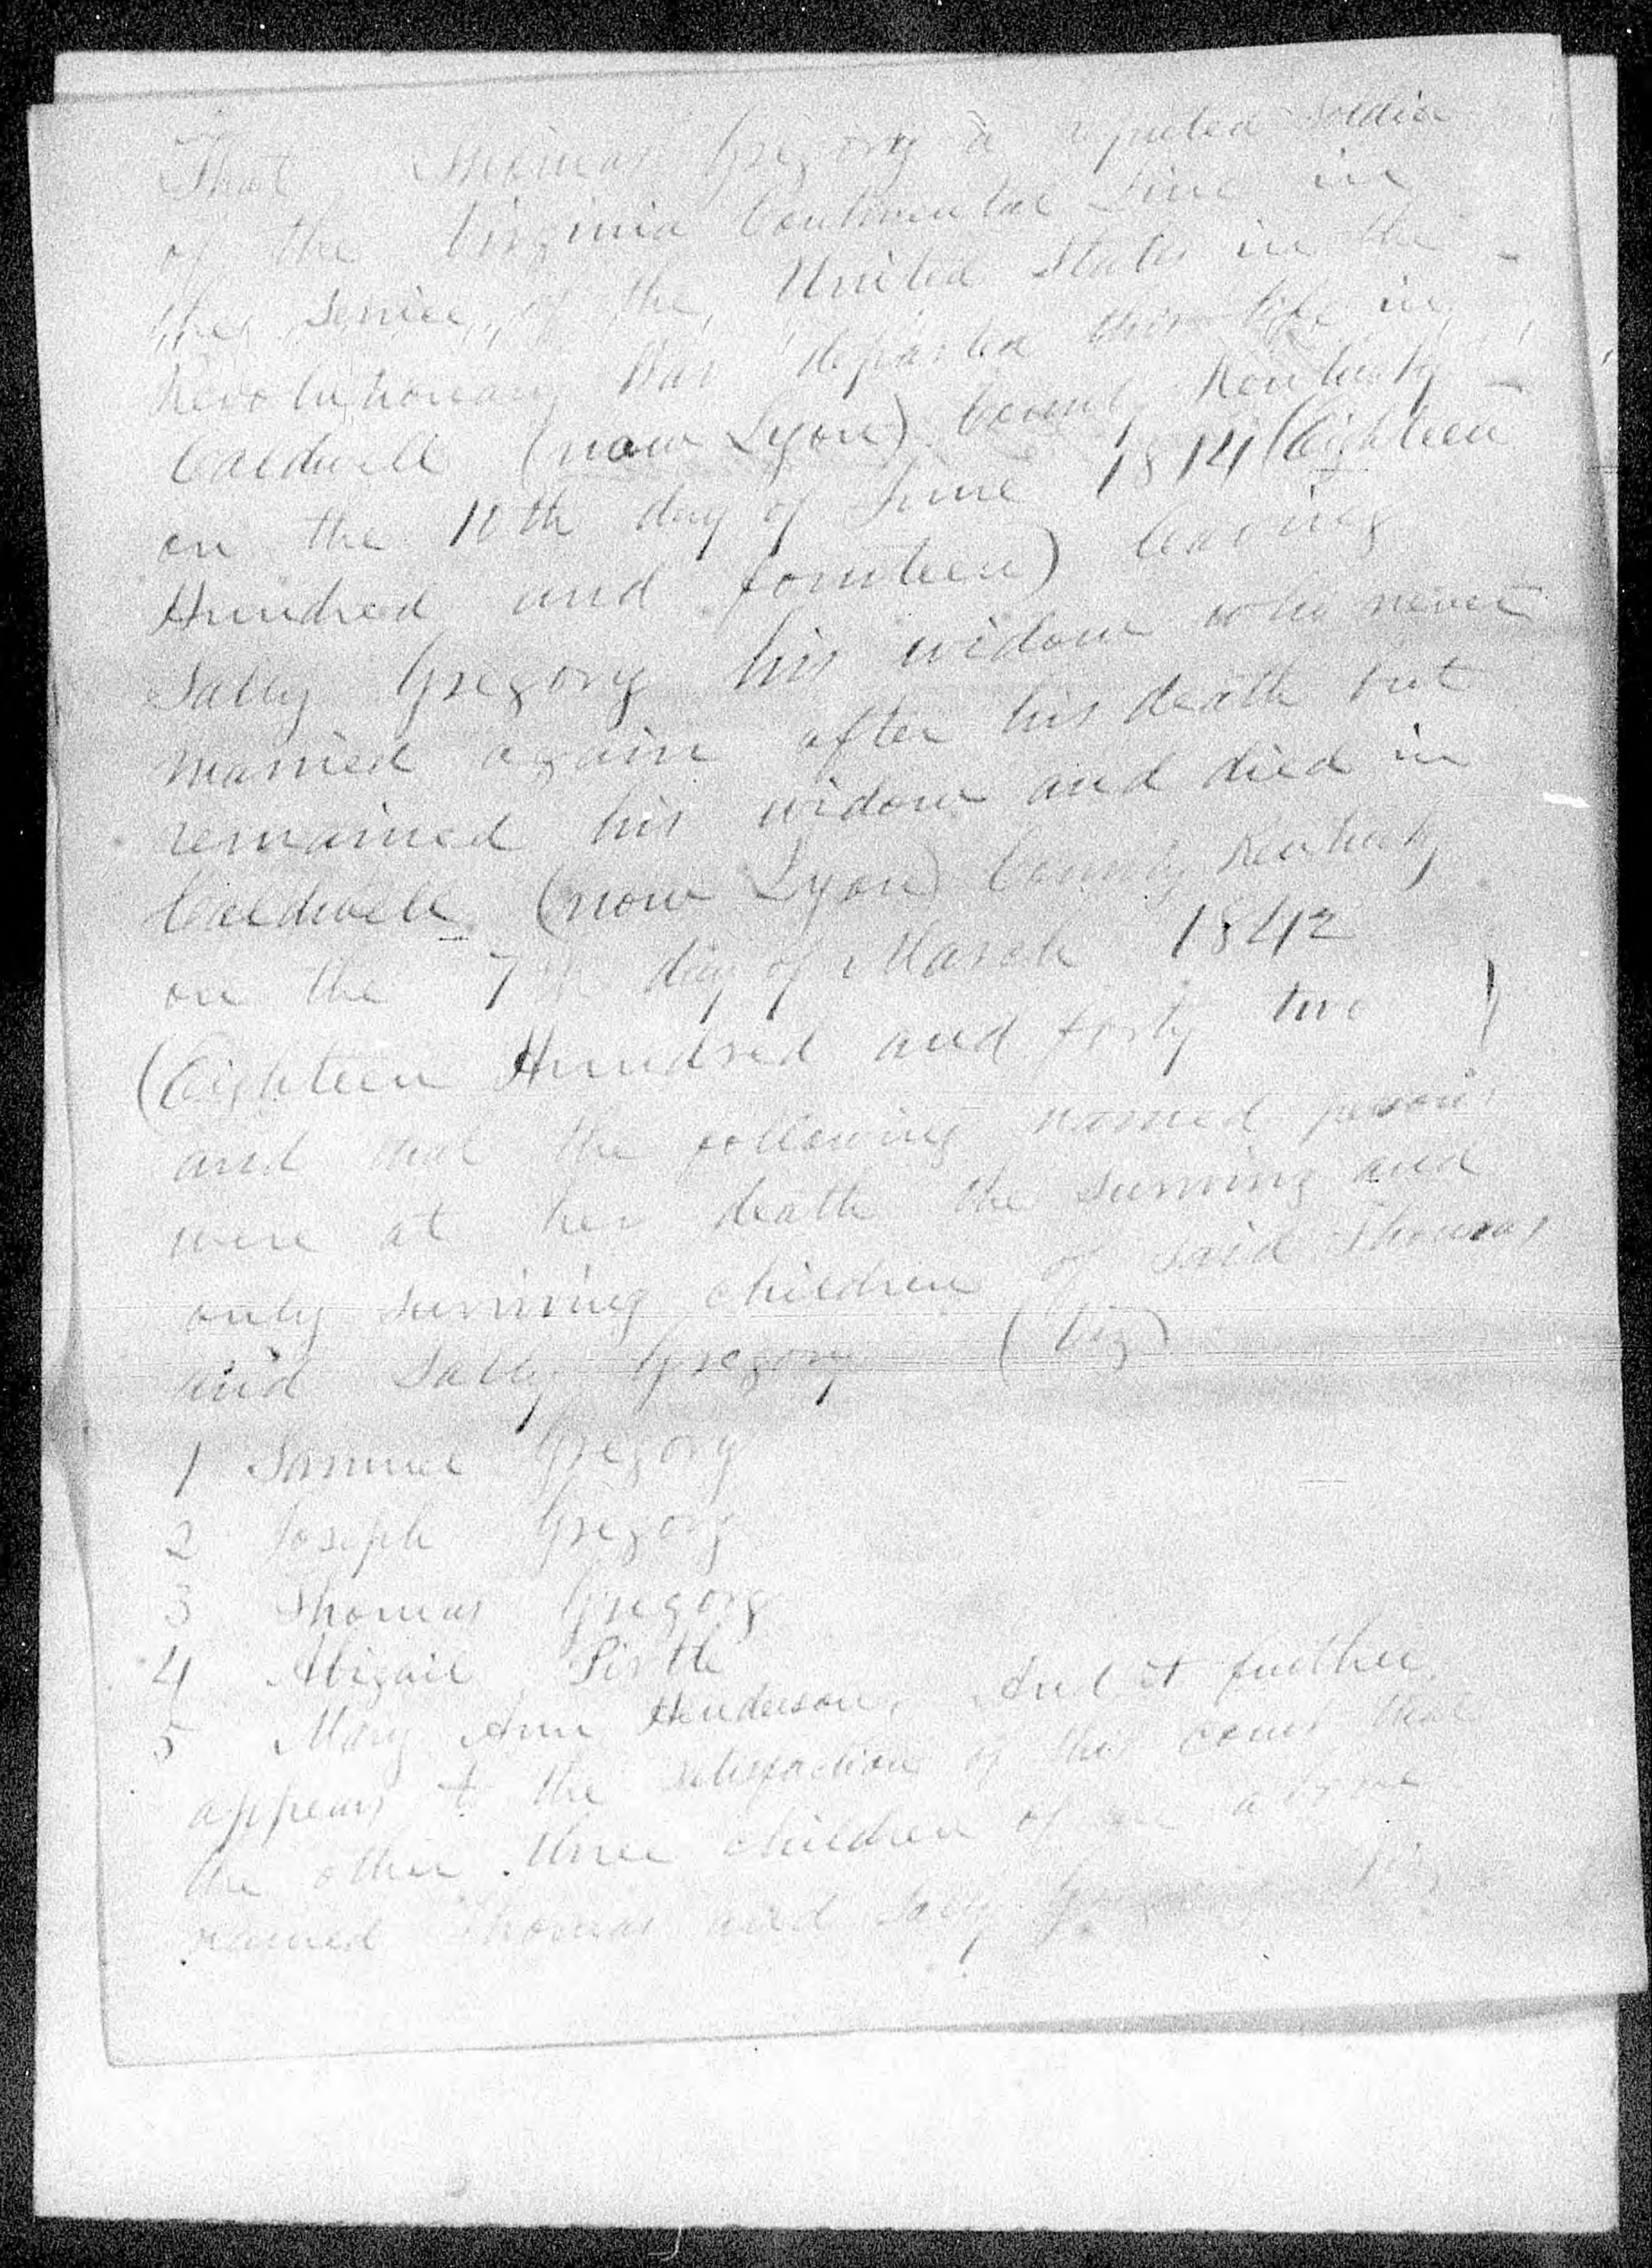That Thomas Gregory a reputed soldier of the Virginia Continental Line in the Service of the United States in the Revolutionary War departed this life in Caldwell (now Lyon) County Kentucky on the 11th day of June 1814 (Eighteen Hundred and fourteen) leaving Sally Gregory his widow who never married again after his death but remained his widow and died in Caldwell (now Lyon) County Kentucky on the 7th day of March 1842 (Eighteen Hundred and fort two) and that the following named persons were at her death the surviving and only surviving children of said Thomas and Sally Gregory (viz)
1 Samuel Gregory
2 Joseph Gregory
3 Thomas Gregory
4 Abigail Pirtle
5 Mary Ann Henderson, And it further appears to the satisfaction of the court the the other three children of the above named Thomas and Sally Gregory [unintelligible]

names: Sally Gregory, Abigail Pirtle, Sally Gregory, Samuel Gregory, Joseph Gregory, Thomas Gregory, Thomas Gregory, Thomas Gregory, Sally Gregory, Mary Ann Henderson, Thomas Gregory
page: 72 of 75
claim: widow's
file: W. 8876, Thomas Gregory, Continental Va